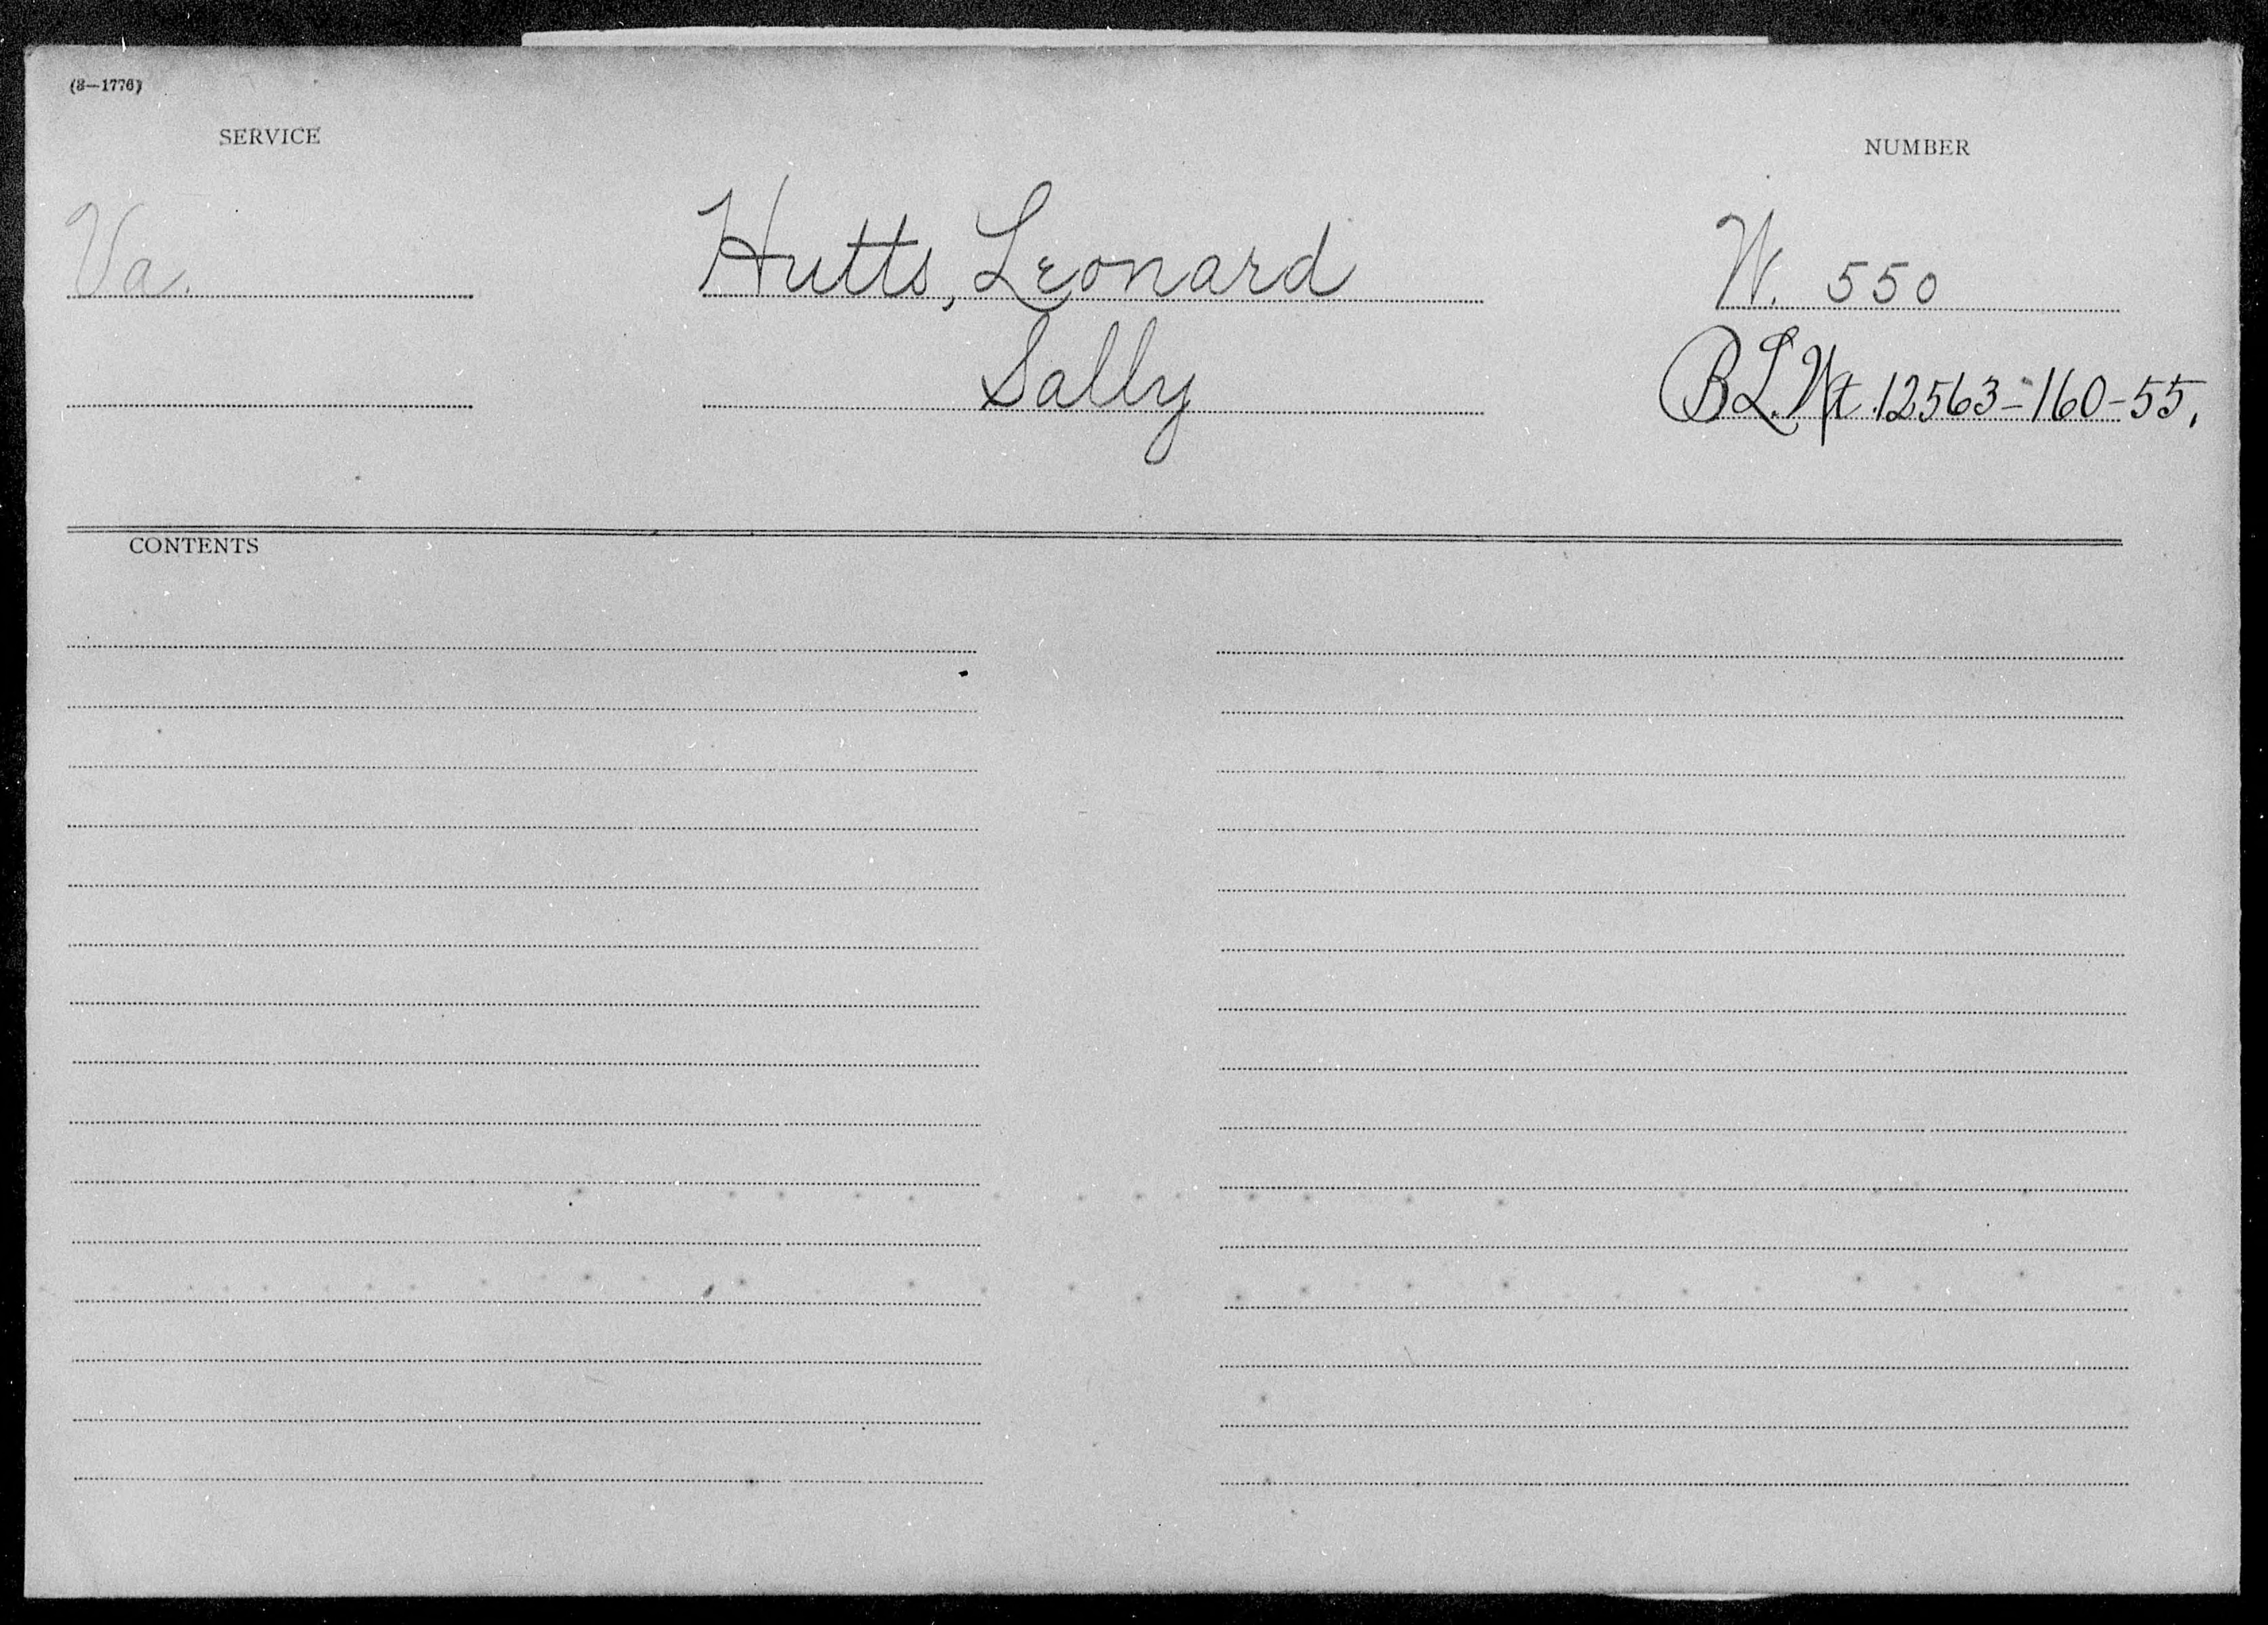[3-1776]

SERVICE
Va

Hutts, Leonard
Sally

NUMBER
W.550

B.L.Wt.12563-160-55.

CONTENTS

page: 1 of 33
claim: widow's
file: W. 550, for Leonard Hutts, Virginia